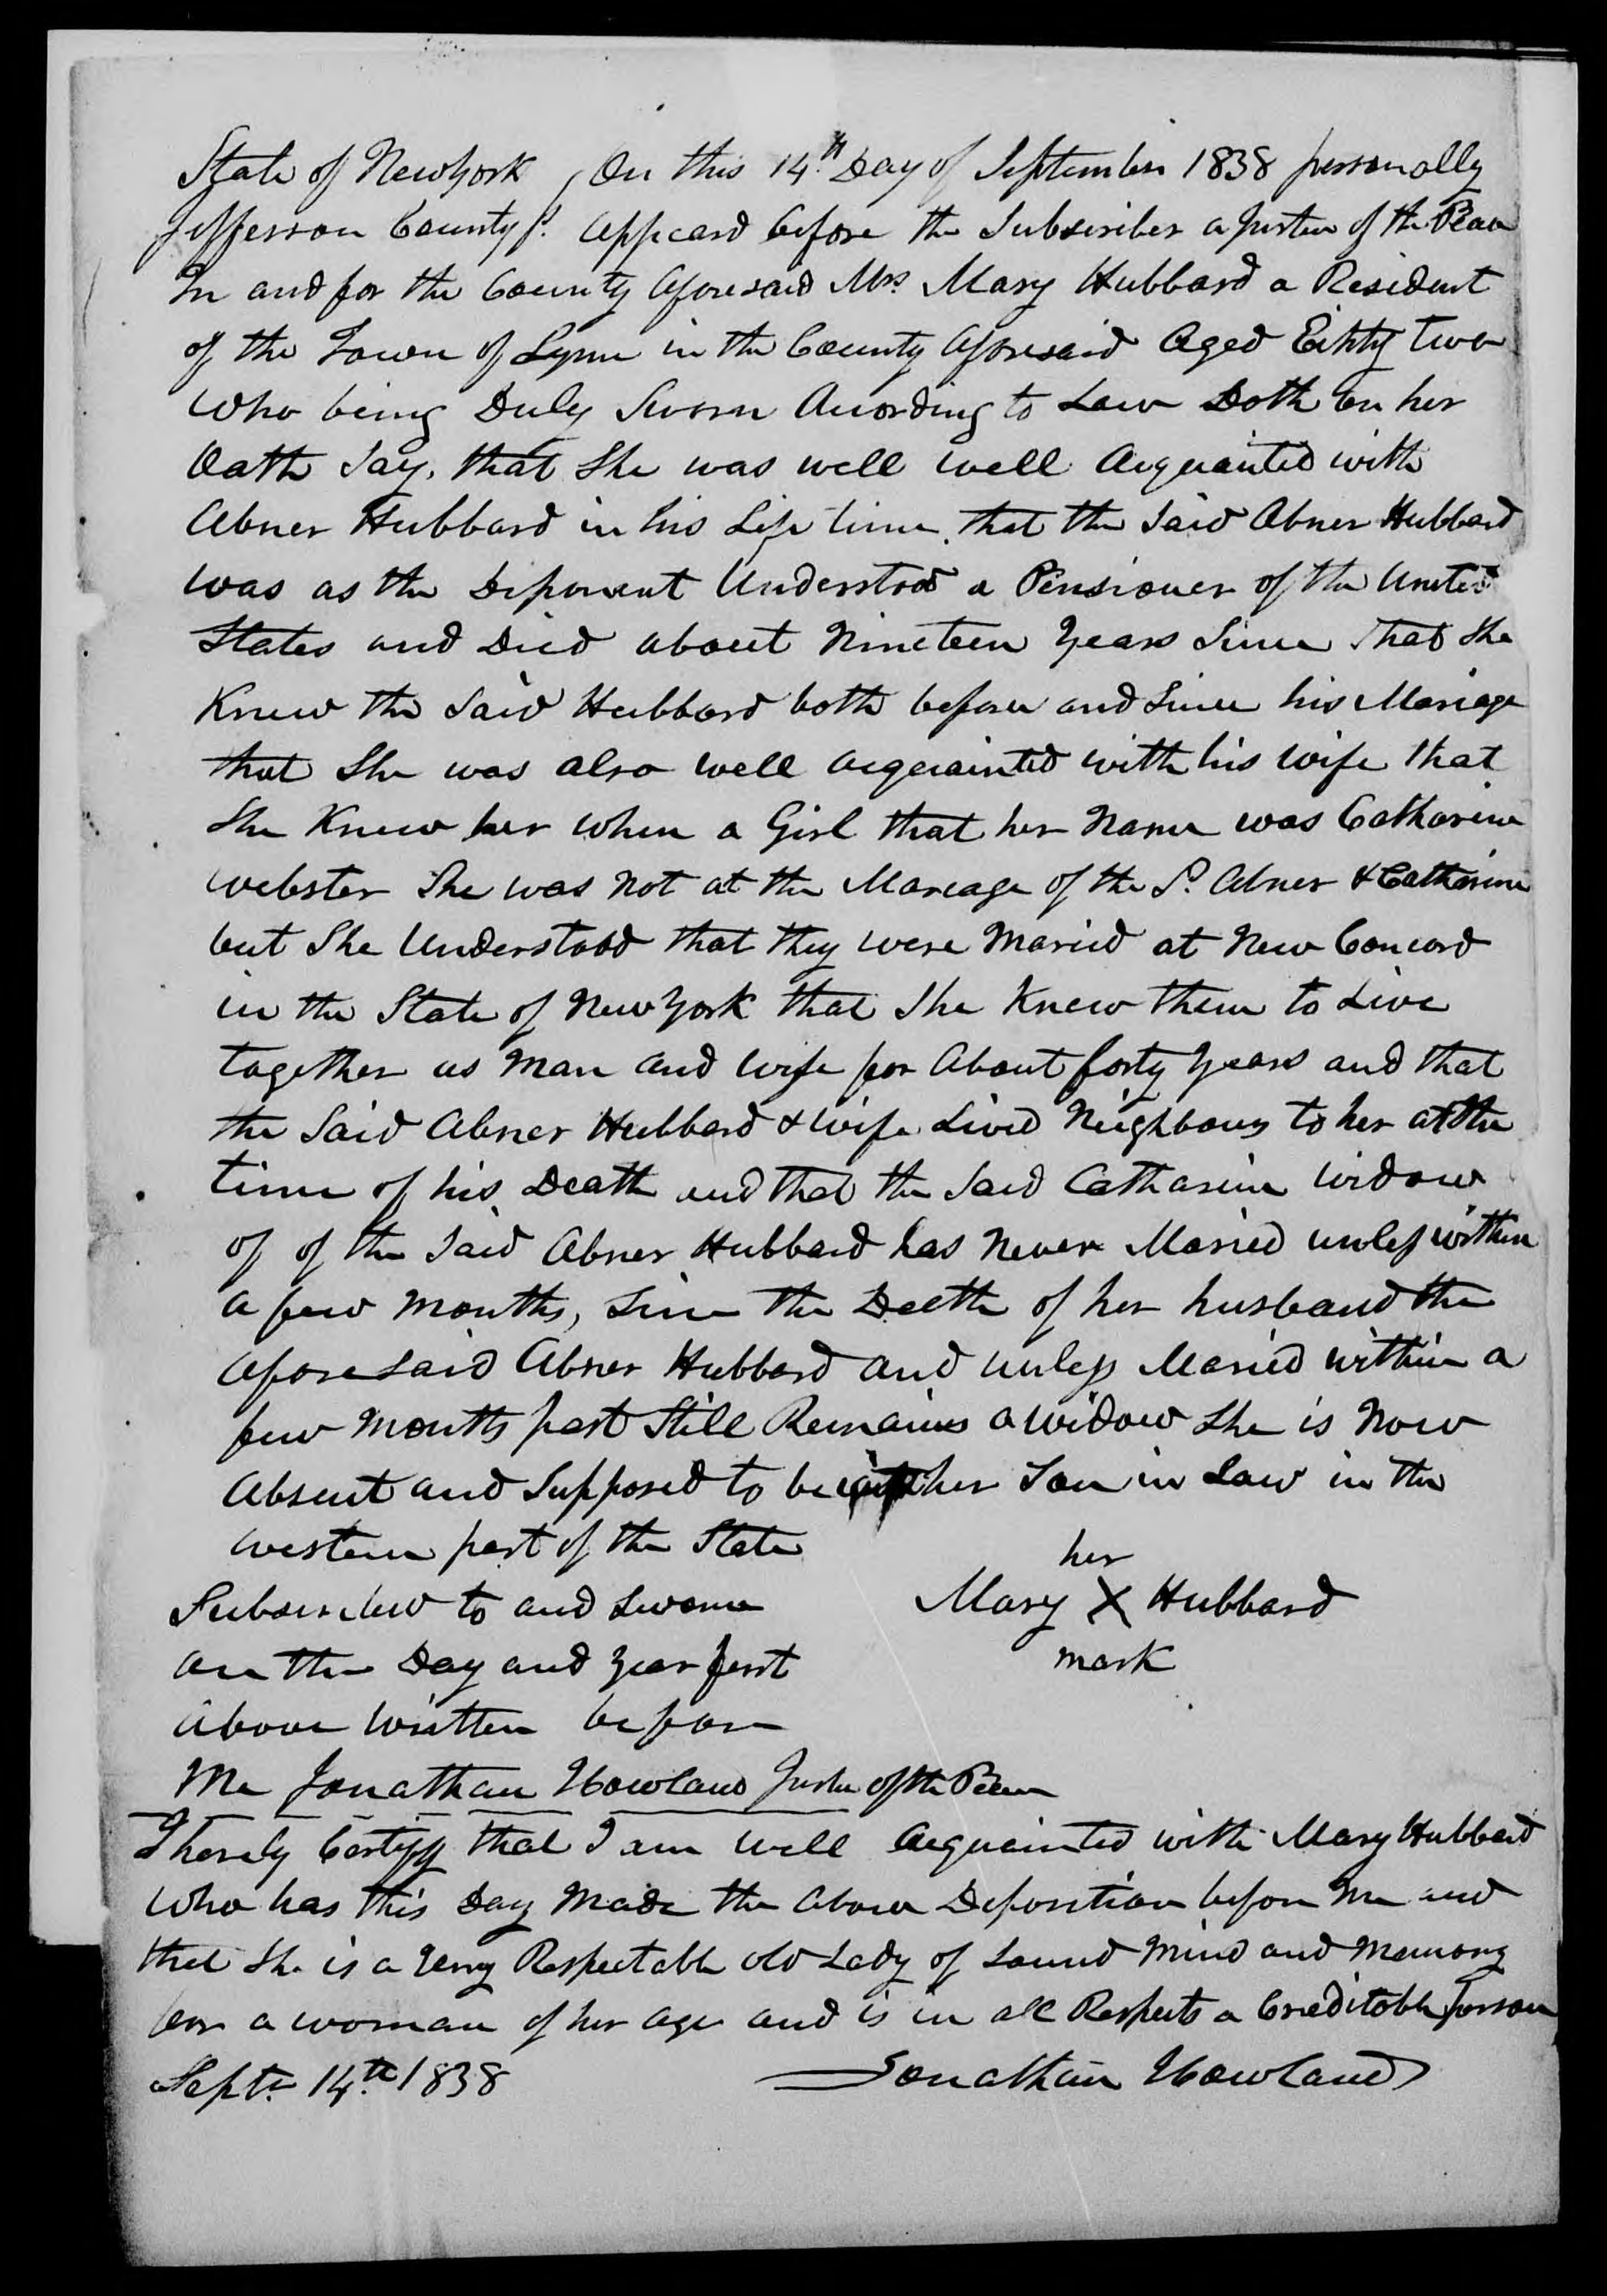State of New York
Jefferson County Ss
On this 14th Day of September 1838 personally appeared before the Subscriber a Justice of the Peace in and for the County aforesaid Mrs. Mary Hubbard a Resident of the Town of Lynn in the County Aforesaid Aged Eighty two who being duly sworn according to Law doth on her oath say that she was well well acquainted with Abner Hubbard in his life time that the said Abner Hubbard was as the deponent understood a pensioner of the United States and died about nineteen years since. That he knew the said Hubbard both before and since his marriage that she was also well acquainted with his wife that she knew her when a girl that her name was Catharine Webster.  She was not at the marriage of the P. Abner & Catharine but she understood that they were married at New Concord in the State of New York.  That she knew them to live together as man and wife for about forty years and that the said Abner Hubbard & wife lived neighbors to her at the time of his death and that the said Catharine widow of the said Abner Hubbard has never married unless within a few months, since the death of her husband the aforesaid Abner Hubbard and unless married within a few months past still remains a widow.  She is no absent and supposed to be with her son in law in the wester part of the State.
Her
Mary X Hubbard
mark
Subscribed to and sworn on this day and year first above written before Me Jonathan Howland Justice of the Peace
I hereby certify that I am well acquainted with Mary Hubbard who has this day made the above deposition before me and that she is a very reputable old lady of sound mind and memory for a woman of her age and is in all respects a creditable person.
Jonathan Howland
Sept 14th 1838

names: Abner Hubbard, Mary Hubbard, Catharine Webster, Jonathan Howland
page: 35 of 38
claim: widow's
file: W. 23,381, Abner Hubbard, Continental Mass.